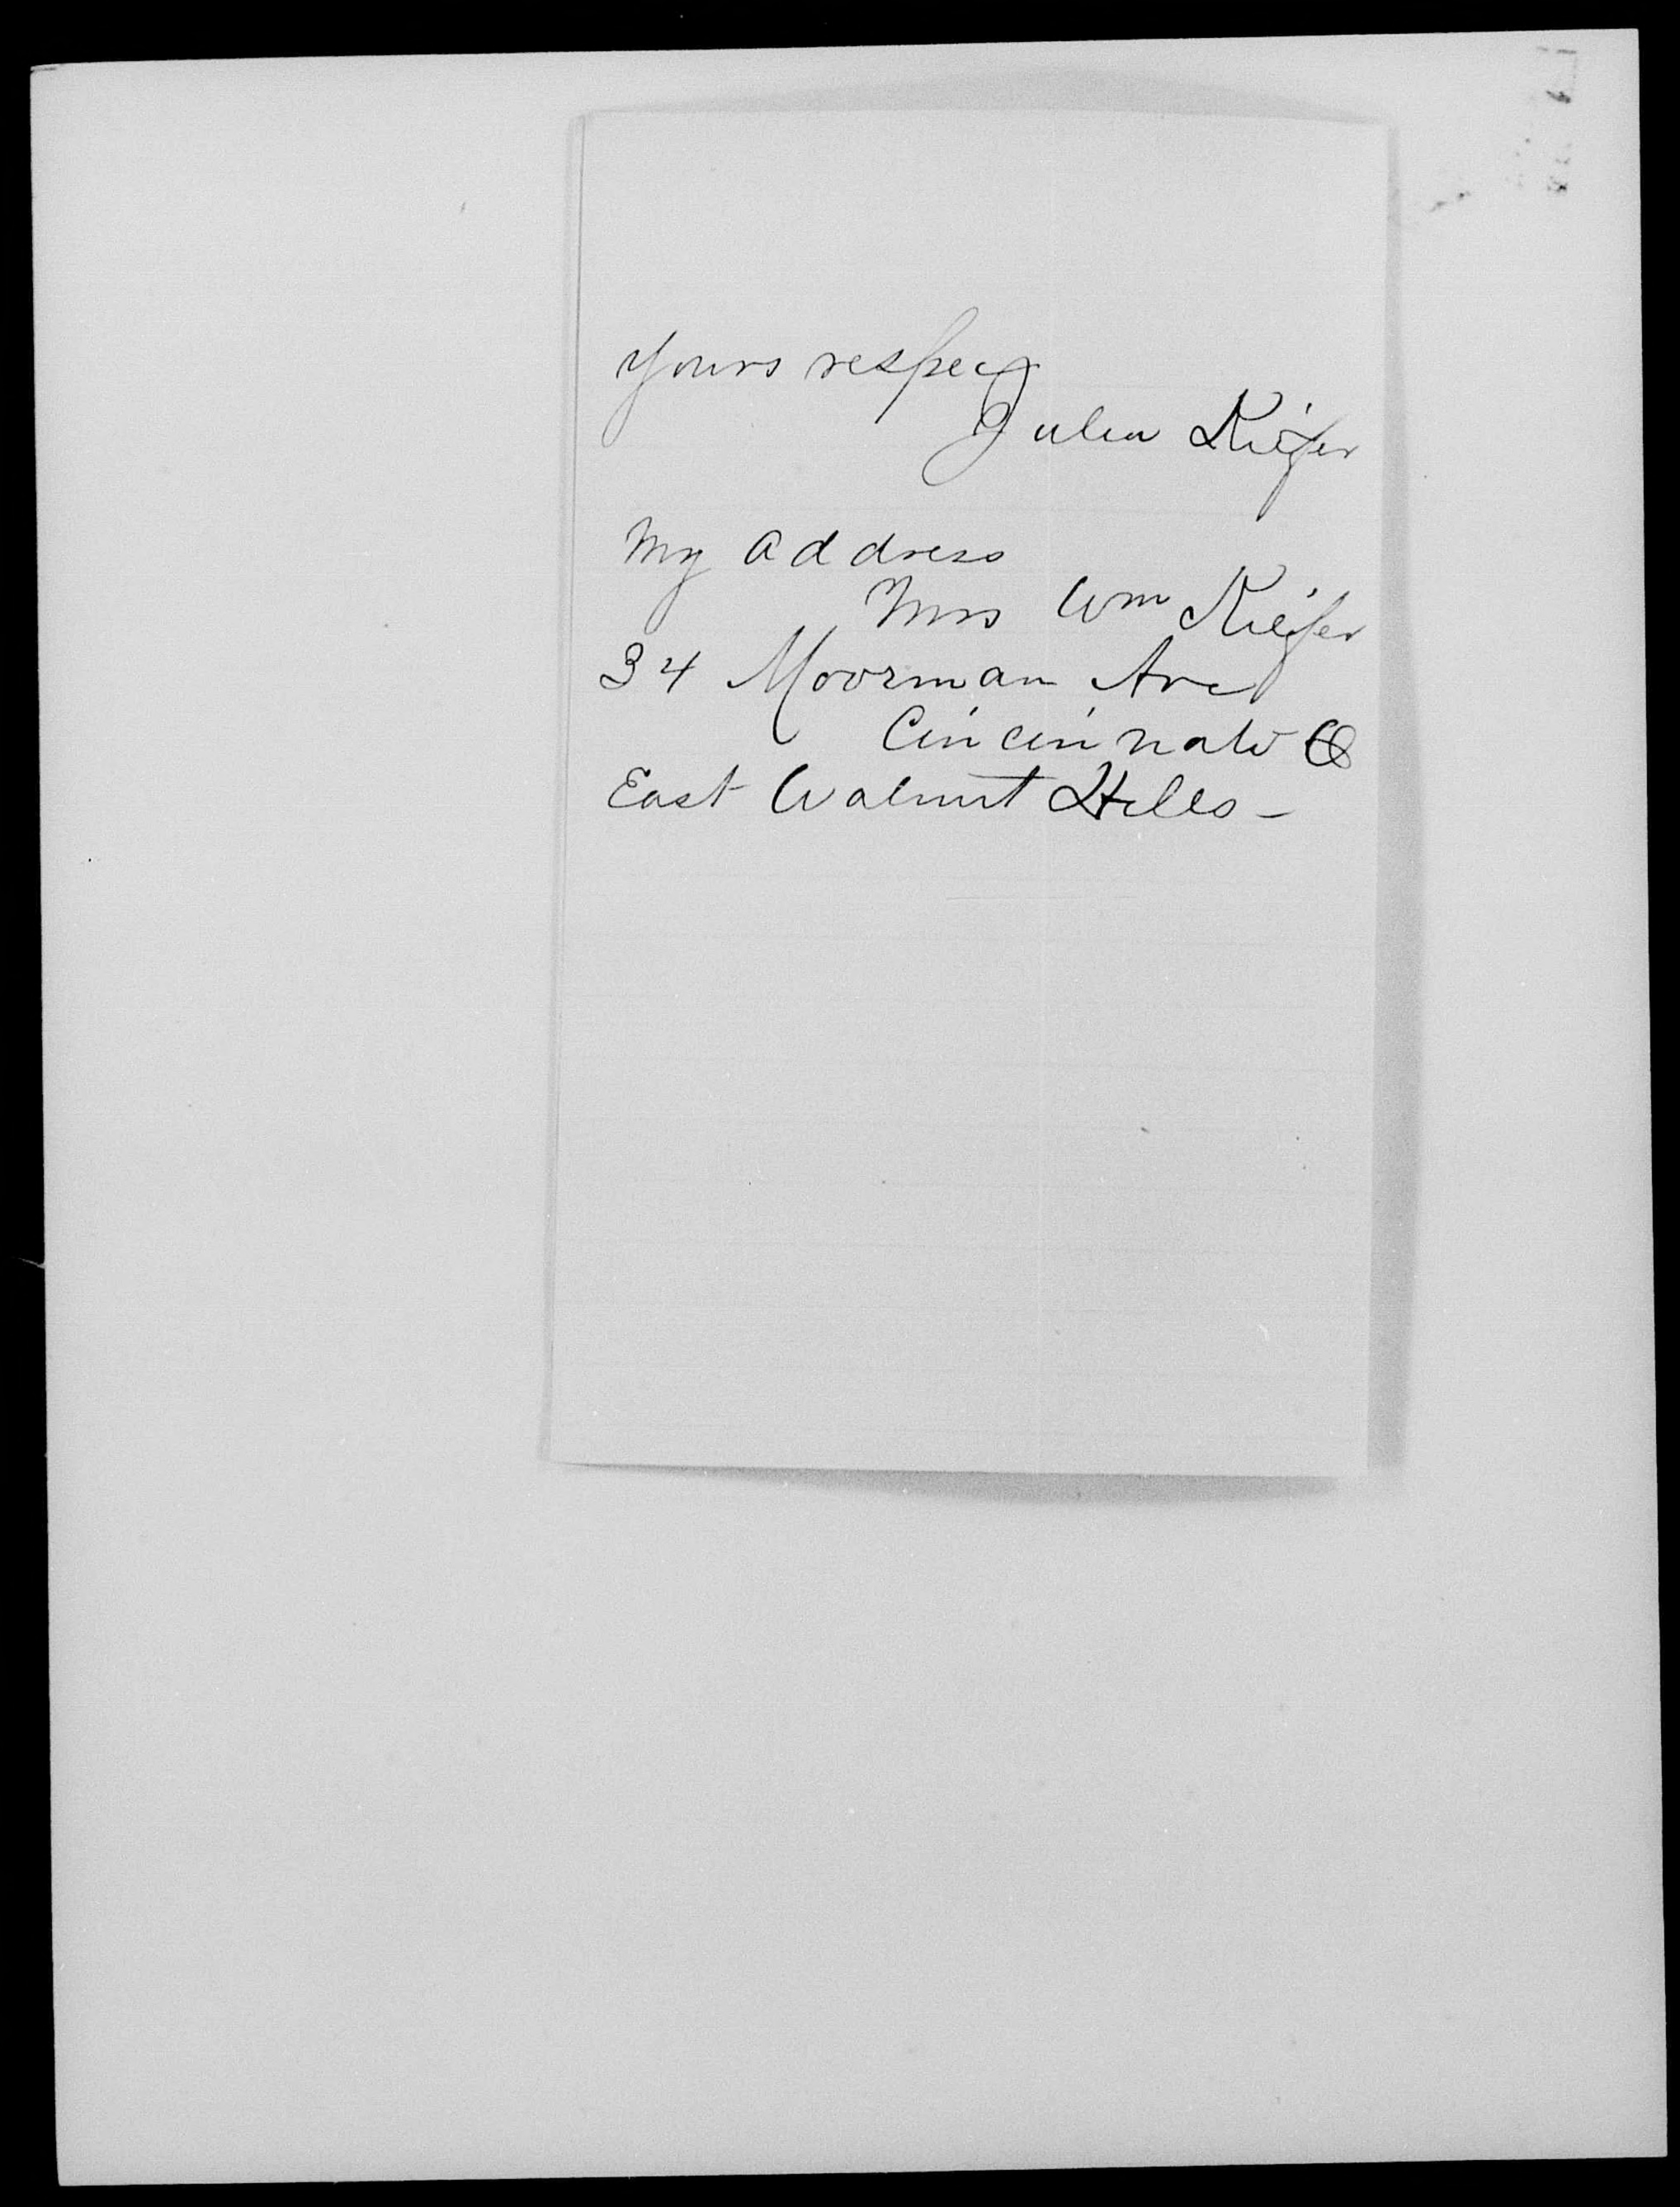Yours respec
Julia Rifer
my address
Mrs Wm Rifer
34 Moorman Avu
Cincinnati & East walnut Hills-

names: Julia Kiefer; Wm Kiefer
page: 86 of 92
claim: widow's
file: W. 5522, for James Pettigrew, South Carolina